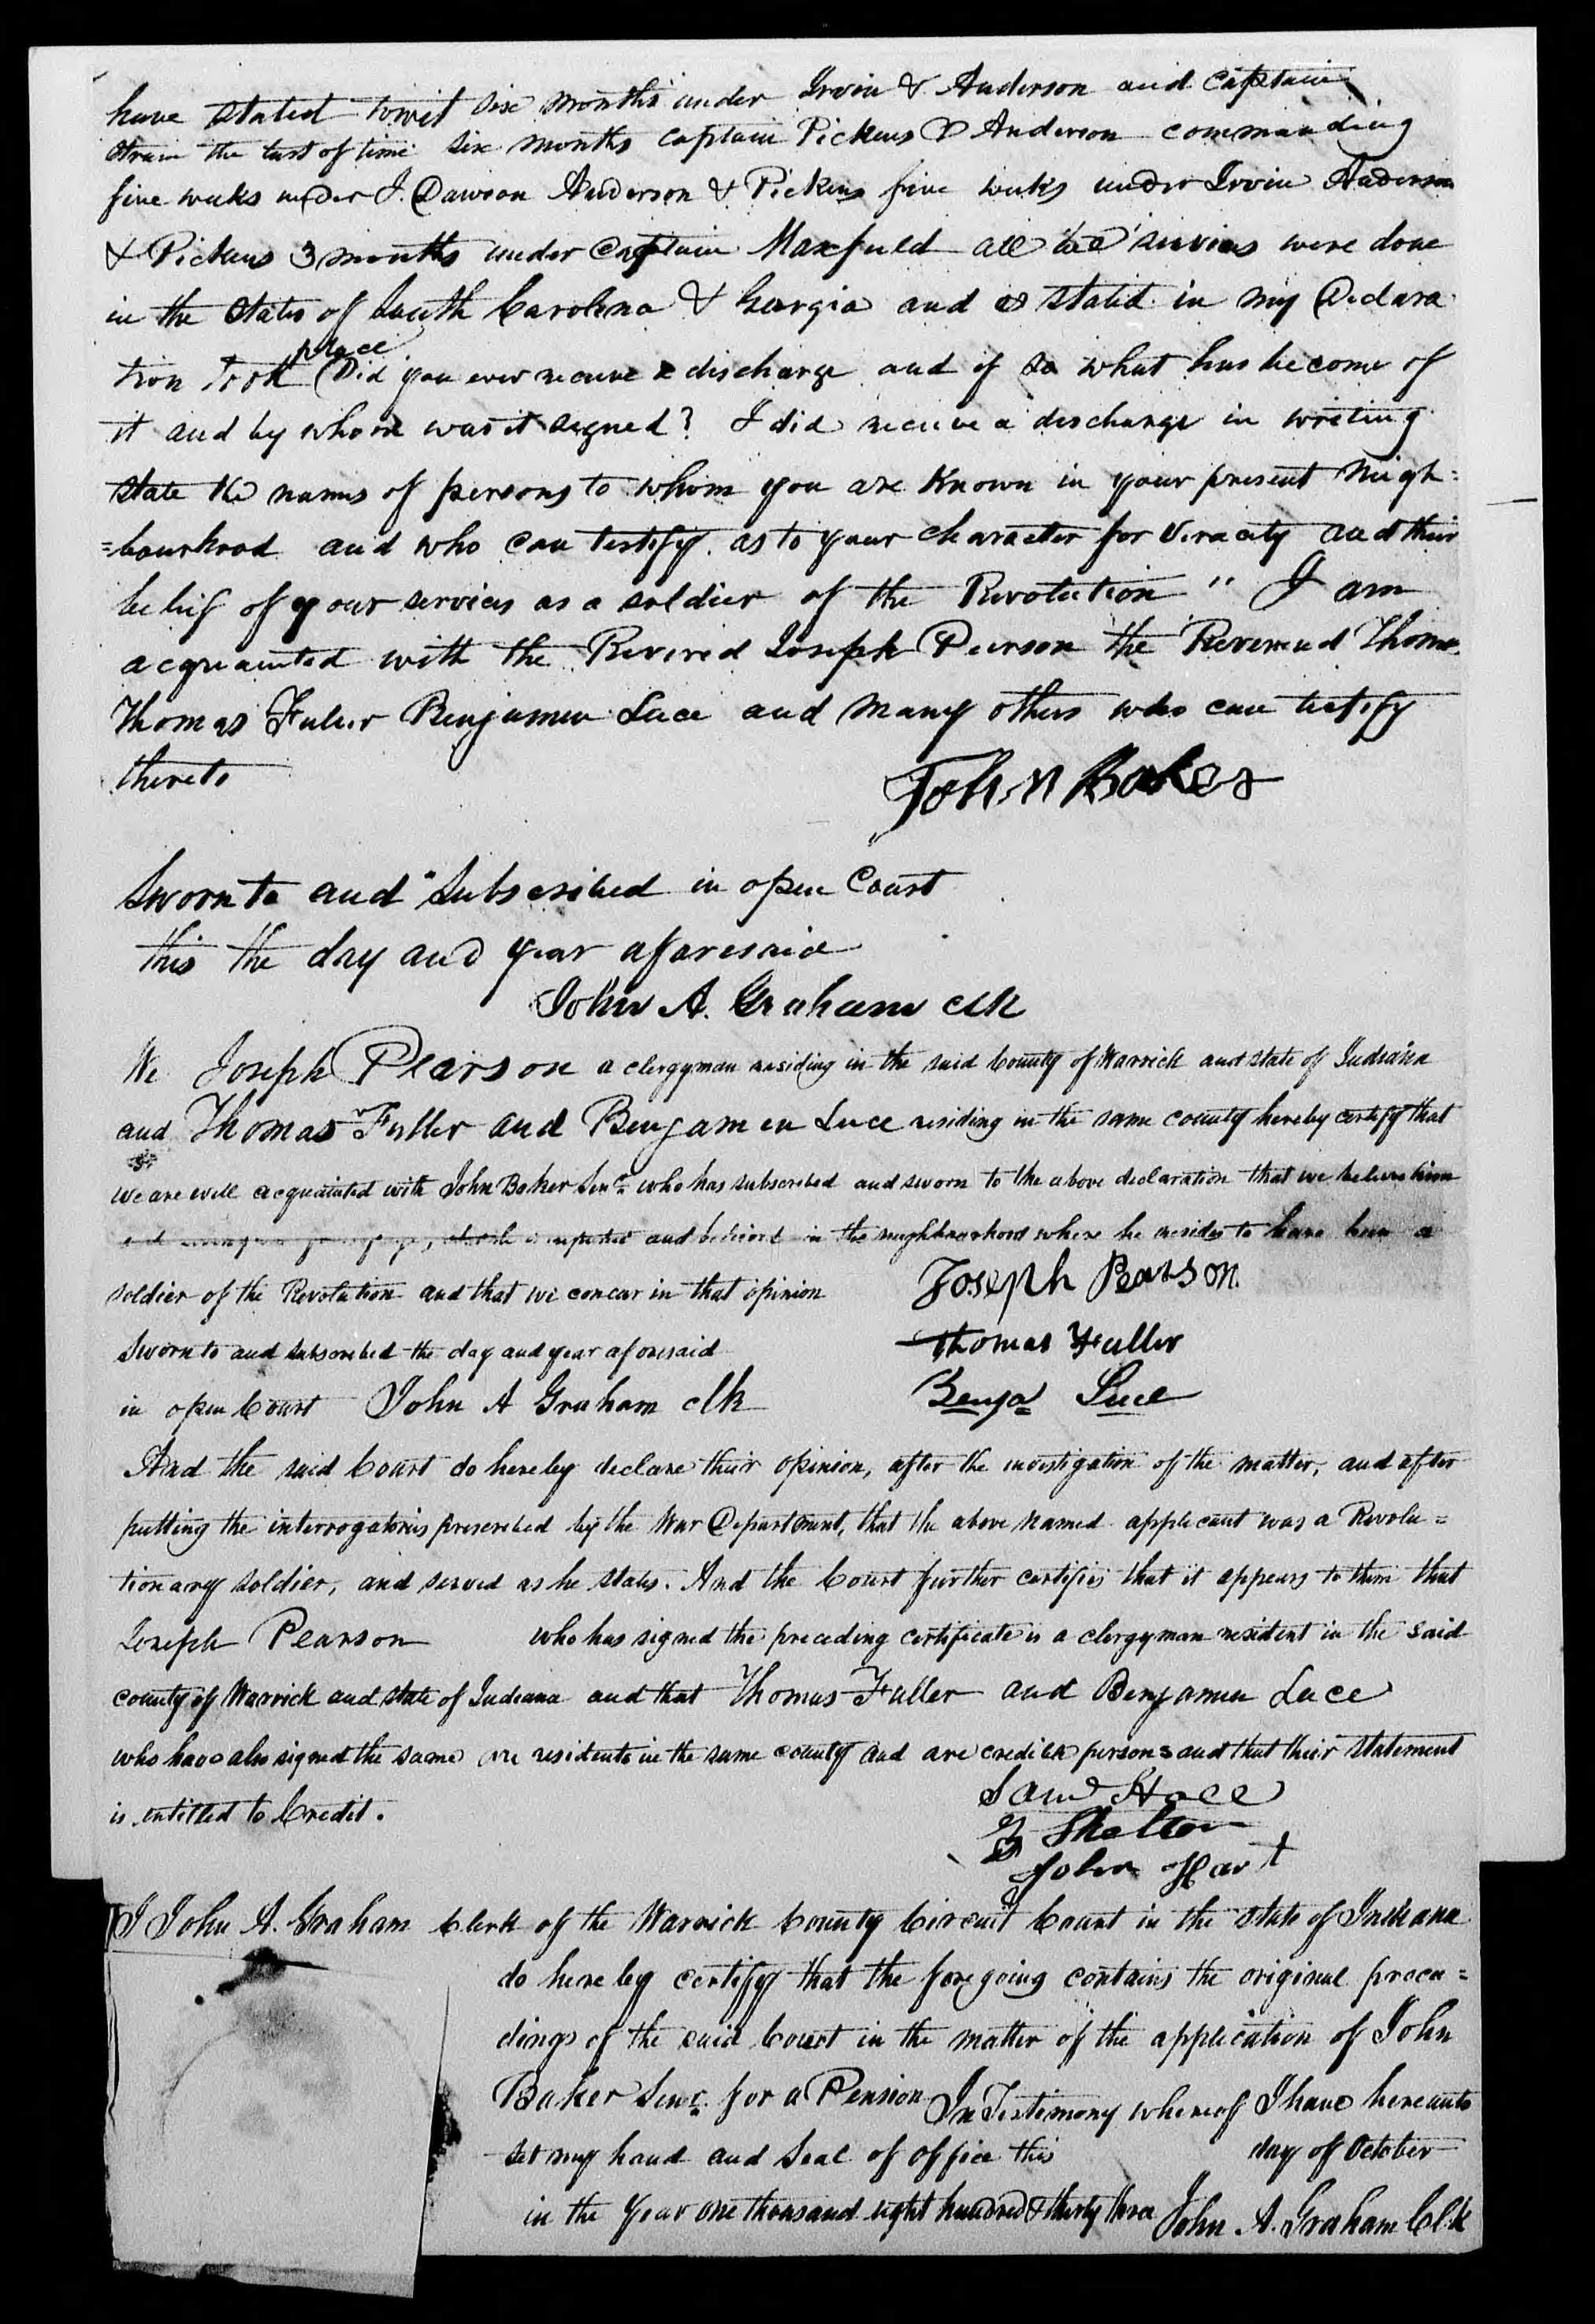have stated to wit six months under Irvin & Anderson and Captain Strain the last of time Six months Captain Pickens & Anderson commanding five weeks under J Dawson Anderson & Pickins five weeks under Irvin Anderson & Pickens 3 months under Captain Maxfield all the services were done in the State of South Carolina & Georgia and as stated in my Declaration took place
Did you ever receive a discharge and if so what has become of it and by whom was it signed? I did receive a discharge in writing
"State the names of persons to whom you are known in your present neighbourhood and who can testify as to your character for veracity and their belief of your services as a soldier of the Revolution." I am acquainted with the Reverend Joseph Pearson the Reverend Thomas Thomas Fuller Benjamin Lace and many others who can testify thereto
John Baker
Sworn to and subscribed in open Court this the day and year aforesaid
John A. Graham Clk

We Joseph Pearson a Clergyman residing in the said County of Warrick and State of Indiana and Thomas Fuller and Benjamin Lace residing in the same county hereby certify that we are well acquainted with John Baker Senr. who has subscribed and sworn to the above declaration that we believe him [illegible] is reputed and believed in the neighborhood where he resides to have been soldier of the Revolution and that we concur in that opinion.
Joseph Pearson
Thomas Fuller
Benja Lace
Sworn to and subscribed the day and year aforesaid in open Court
John A Graham Clk
And the said Court do hereby declare their opinion, after the investigation of the matter, and after putting the interrogatories prescribed by the War Department, that the above named applicant was a Revolutionary soldier, and served as he states. And the Court further certifies that it appears to them that Joseph Pearson who has signed the preceding certificate is a clergyman resident in the said County of Warrick and state of Indiana and that Thomas Fuller and Benjamin Lace who have also signed the same are residents in the same county and are credible persons and that their statement is entitled to Credit
Sam Hall
G Shelton
John Hart

I John A Graham Clerk of the Warrick County Circuit Court in the State of Indiana do hereby certify that the foregoing contains the original proceedings of the said Court in the matter of the application of John Baker Senr. for a Pension 
In Testimony whereof I have hereunto set my hand and seal of office this day of October in the year one thousand eight hundred & thirty three.
John A. Graham Clk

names: Thomas Fuller, Anderson, Thomas Fuller, Joseph Pearson, Saml Hall, Joseph Pearson, Benjamen Lace, Benjamen Lace, John A Graham, Irvin, Thoms, Pickens, Joseph Pearson, John Baker, John Baker, Thomas Fuller, Anderson, Pickens, Thomas Fuller, Benja Lace, John A Graham, Irvin Anderson, Z Skelton, Pickens, John Baker, Maxfield, John Hart, John A Graham, John A Graham, Benjamen Lace, Joseph Pearson, Dawson Anderson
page: 6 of 27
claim: rejected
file: R. 406, John Baker, S.C.